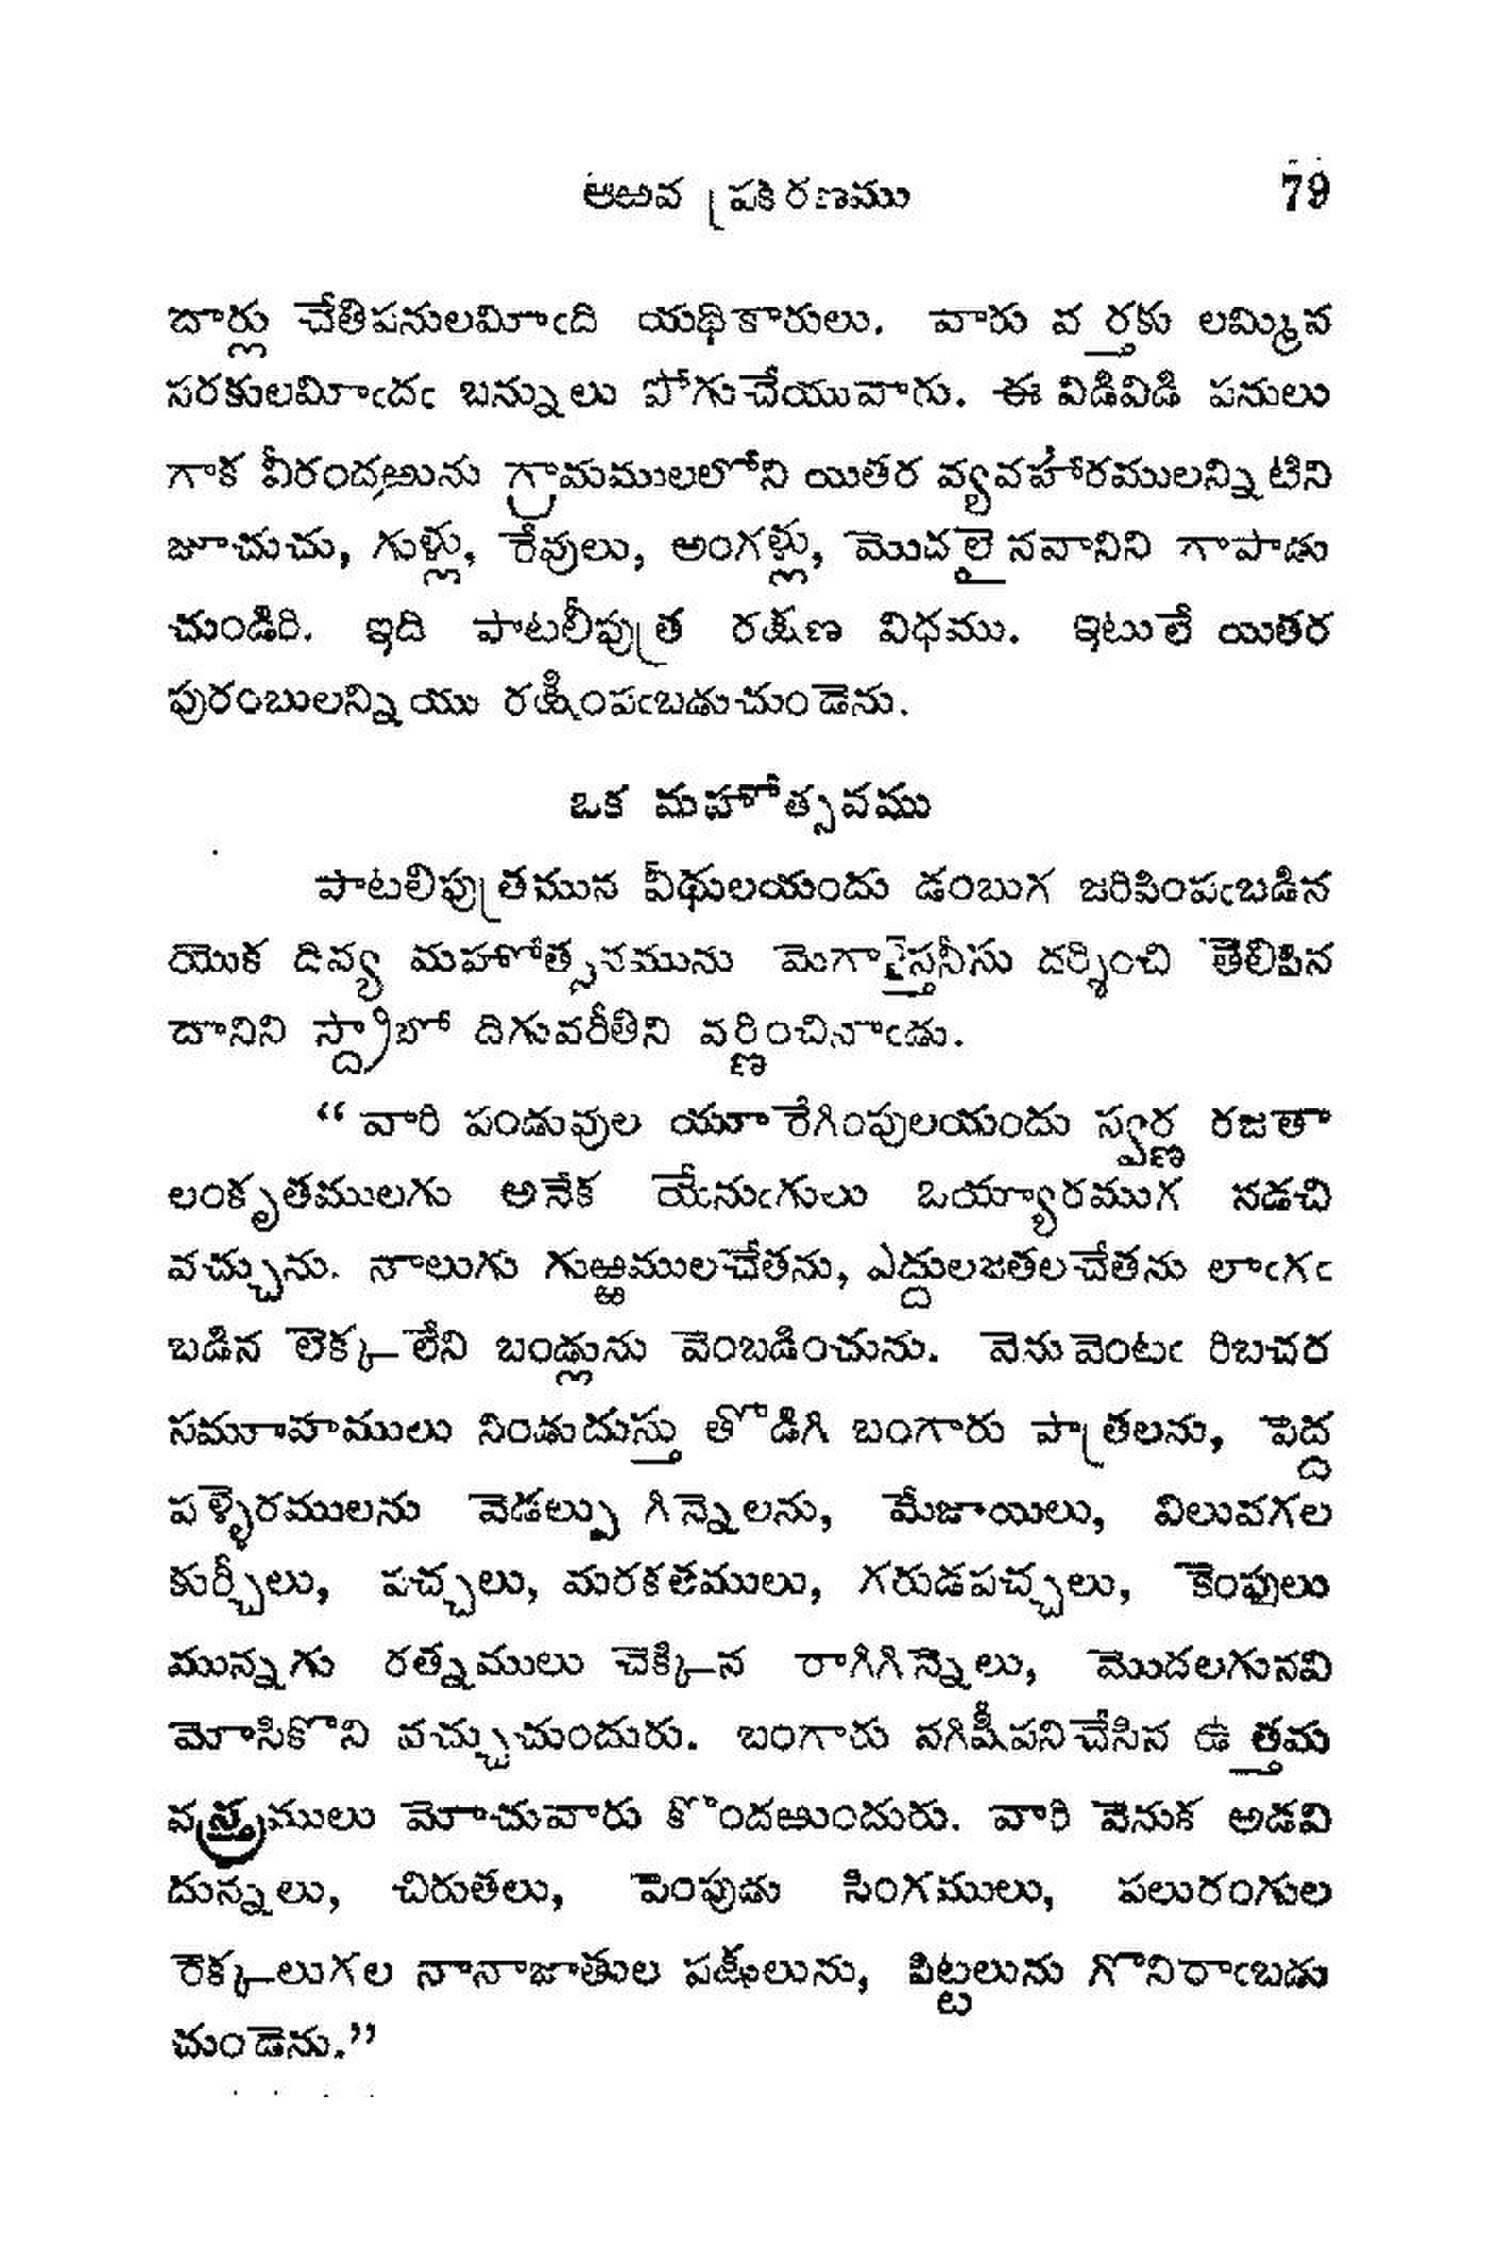దార్లు చేతిపనులమీఁది యధికారులు. వారు వర్తకు లమ్మిన సరకులమీఁదఁ బన్నులు పోగుచేయువారు. ఈ విడివిడి పనులు గాక వీరందఱును గ్రామములలోని యితర వ్యవహారములన్నిటిని జూచుచు, గుళ్లు, రేవులు, అంగళ్లు, మొదలైనవానిని గాపాడు చుండిరి. ఇది పాటలీపుత్ర రక్షణ విధము. ఇటులే యితర పురంబులన్నియు రక్షింపఁబడుచుండెను.

ఒక మహోత్సవము 

పాటలిపుత్రమున వీథులయందు డంబుగ జరిపింపఁబడిన యొక దివ్య మహోత్సవమును మెగాస్తనీసు దర్శించి తెలిపిన దానిని స్ద్రాబో దిగువరీతిని వర్ణించినాఁడు.

"వారి పండువుల యూరేగింపులయందు స్వర్ణ రజతాలంకృతములగు అనేక యేనుఁగులు ఒయ్యారముగ నడచి వచ్చును. నాలుగు గుఱ్ఱములచేతను, ఎద్దులజతలచేతను లాఁగఁబడిన "లెక్కలేని బండ్లును వెంబడించును. వెను వెంటఁ రిబచర సమూహములు నిండుదుస్తు తొడిగి బంగారు పాత్రలను, పెద్ద పళ్ళెరములను వెడల్పు గిన్నెలను, మేజాయిలు, విలువగల కుర్చీలు, పచ్చలు, మరకతములు, గరుడపచ్చలు, కెంపులు మున్నగు రత్నములు చెక్కిన రాగిగిన్నెలు, మొదలగునవి మోసికొని వచ్చుచుందురు. బంగారు నగిషీపని చేసిన ఉత్తమ వస్త్రములు మోచువారు కొందఱుందురు. వారి వెనుక అడవి దున్నలు, చిరుతలు, పెంపుడు సింగములు, పలురంగుల రెక్కలుగల నానాజాతుల పక్షులును, పిట్టలును గొనిరాఁబడు చుండెను."